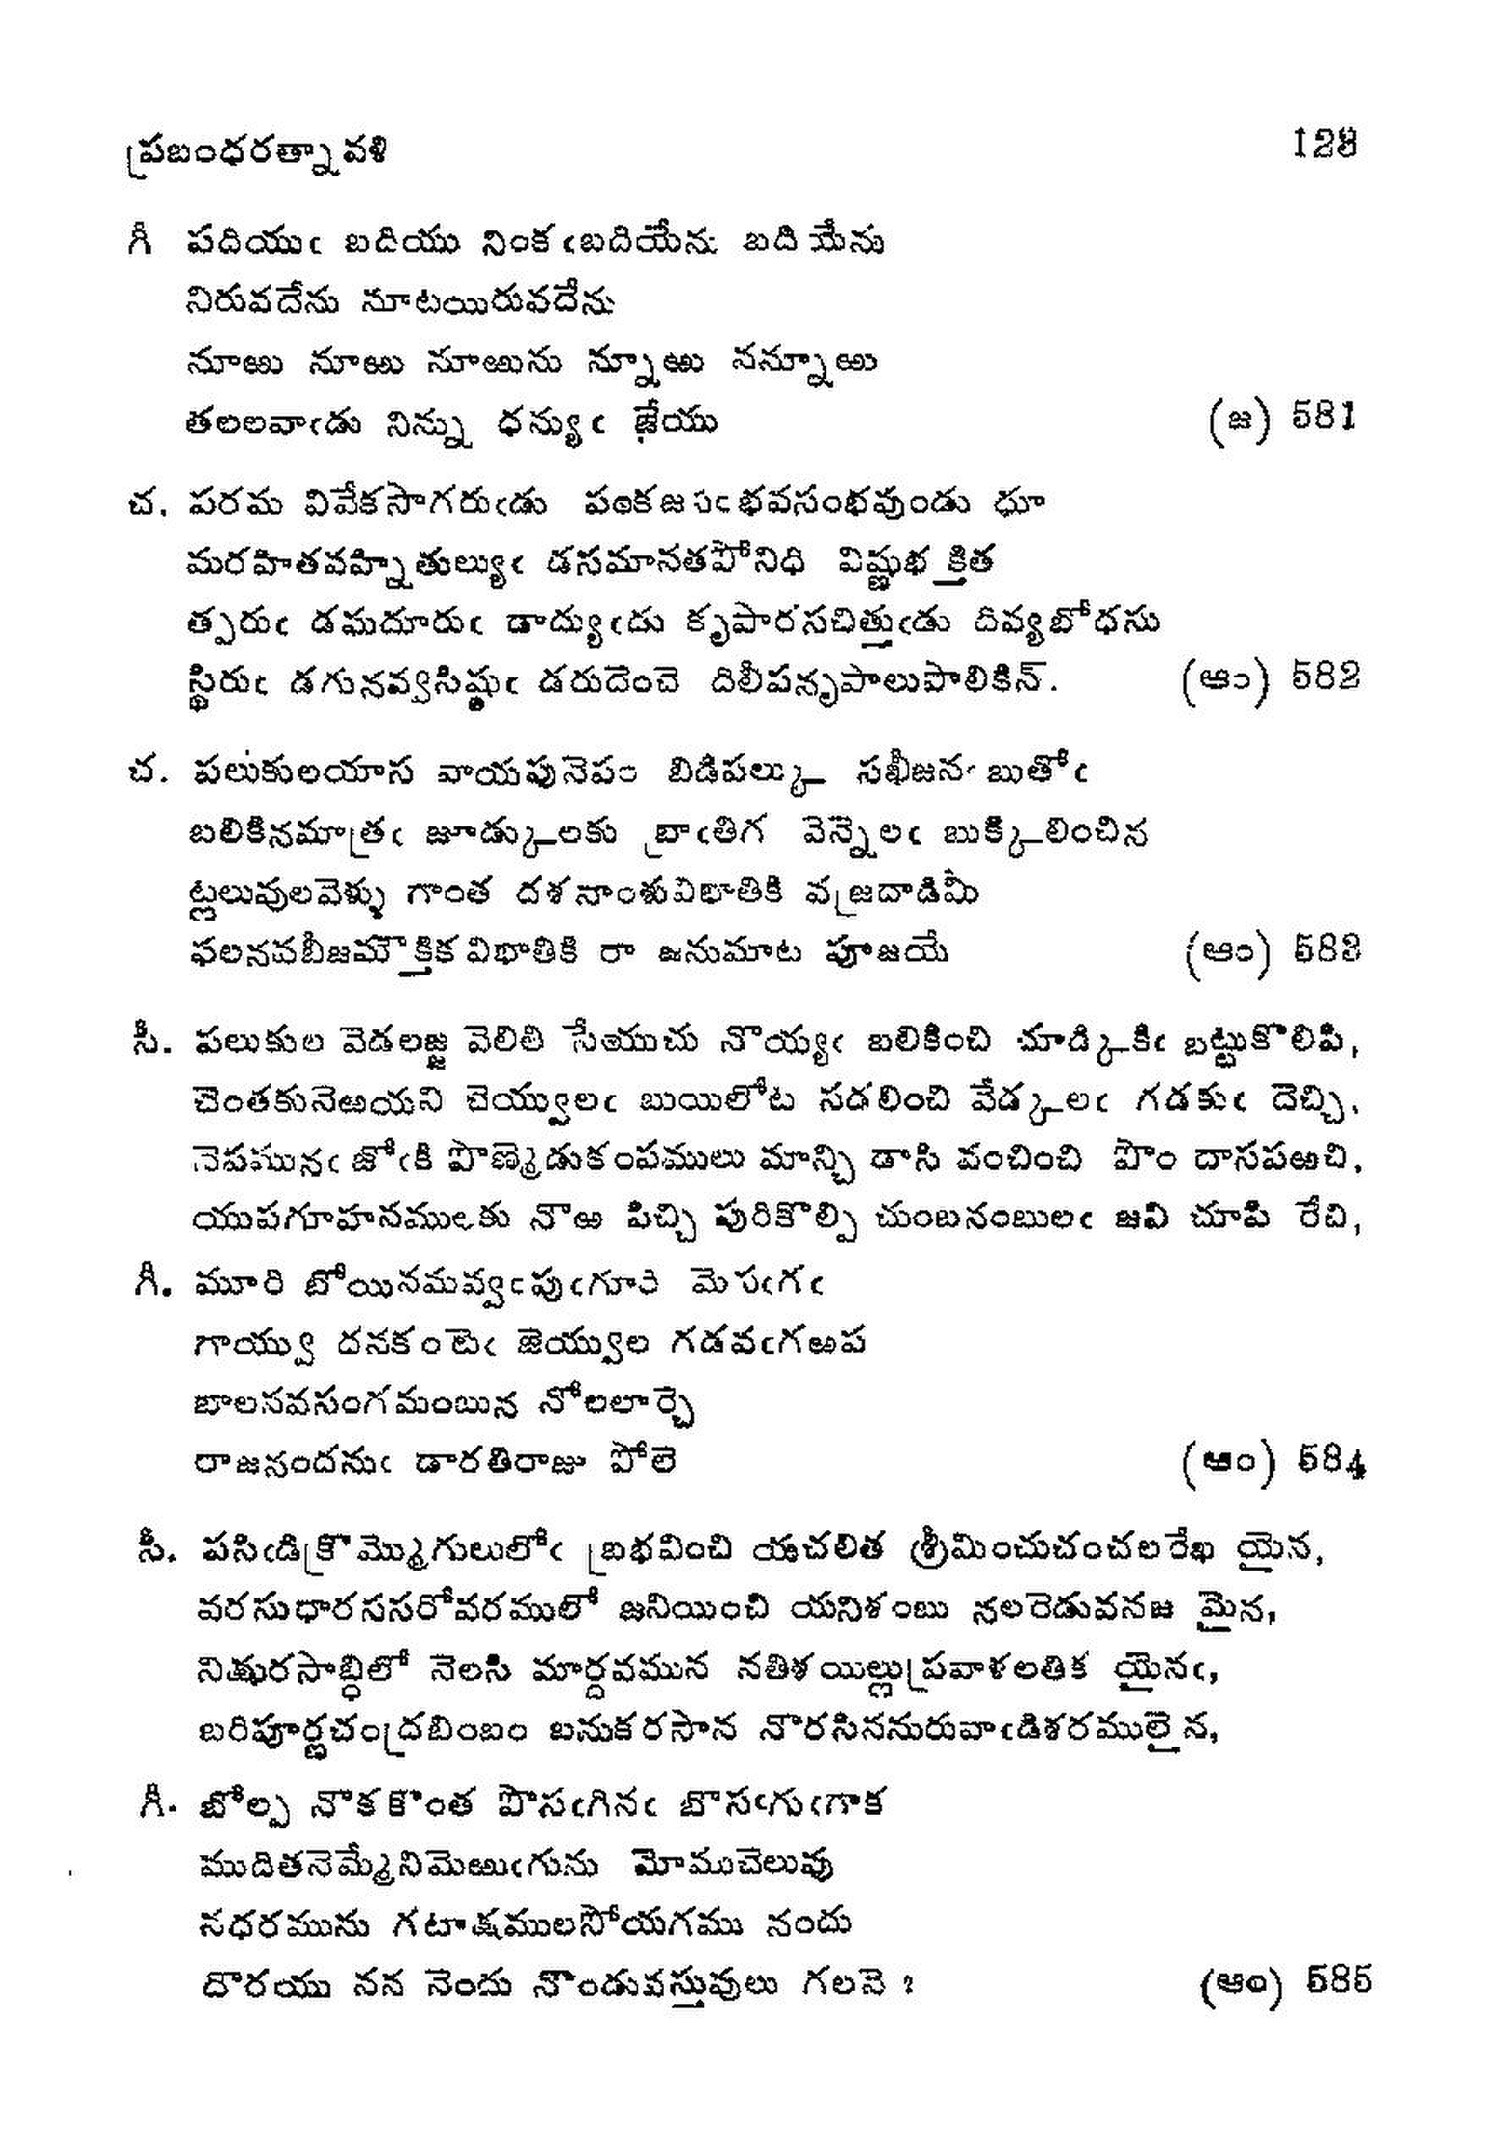ఆ. పదియుఁ బదియు నింకఁ బదియేను బదియేను
నిరువదేను నూటయిరువదేను
నూఱు నూఱు నూఱు నున్నూఱు నన్నూఱు
తలలవాఁడు నిన్ను ధన్యుఁ జేయు. (జ) 581

చ. పరమవివేకసాగరుఁడు పంకజసంభవసంభవుండు ధూ
మరహితవహ్నితుల్యుఁ డసమానతపోనిధి విష్ణుభక్తిత
త్పరుఁ డఘదూరుఁ డాద్యుఁడు కృపారసచిత్తుఁడు దివ్యబోధ సు
స్థిరుఁడగు నవ్వసిష్ఠుఁ డరుదెంచె దిలీపనృపాలు పాలికిన్. (ఆం) 582

చ. పలుకులయాస వాయపునెపంబిడి పల్కు సఖీజనంబుతోఁ
బలికినమాత్రఁ జూడ్కులకు బ్రాంతిగ వెన్నెలఁ బుక్కిలించి న
ట్లలువుల వెళ్ళు గాంత దశనాంశువిభాతికి వజ్రదాడిమీ
ఫలనవబీజమౌక్తికవిభాతికి రాజనుమాట పూజయే? (ఆం) 583

సీ. పలుకుల వెడలజ్జ వెలితి సేయుచు నొయ్యఁ బలికించి చూడ్కికిఁ బట్టు కొలిపి,
చెంతకు నెఱయని చెయ్వులఁ బుయిలోట సడలించి వేడ్కలఁ గడకుఁ దెచ్చి,
నెపమునఁ జోఁకి పొణ్మెడుకంపములు మాన్చి డాసి వంచించి పొందాస పఱచి,
యుపగూహనములకు నొఱపిచ్చి పురికొల్పి చుంబనములఁ జవి చూపి రేచి,
గీ. మూరి బోయిన మవ్వంపుఁ గూరి మెసఁగఁ
గాయ్వు దలకంటెఁ జెయ్వుల గడవఁగఱప
బల నవసంగమంబున నోలలార్చె
రాజనందనుఁ డా రతిరాజు పోలె. (ఆం) 584

సీ. పసిఁడిక్రొమ్ముగులులోఁ బ్రభవించి యచలిత శ్రీ మించు చంచలరేఖయైన,
వరసుధారససరోవరములో జనియించి యనిశంబు నలరెడు వనజమైన
నిక్షురసాబ్ధిలో నెలసి మార్దవమున నతిశయిల్లు ప్రవాళలతికయైనఁ
బరిపూర్ణచంద్రబింబంబను కరసాన నొరసిన నురువాఁడిశరములైన,
గీ. బోల్ప నొకకొంత పొసఁగినఁ బొసఁగుఁగాక
ముదిత నెమ్మెనిమెఱుఁగును మోముచెలువు
నధరమును గటాక్షముల సోయగమునందు
దొరయు నన నెందు నొంఢువస్తువులు గలవె? (ఆం) 585